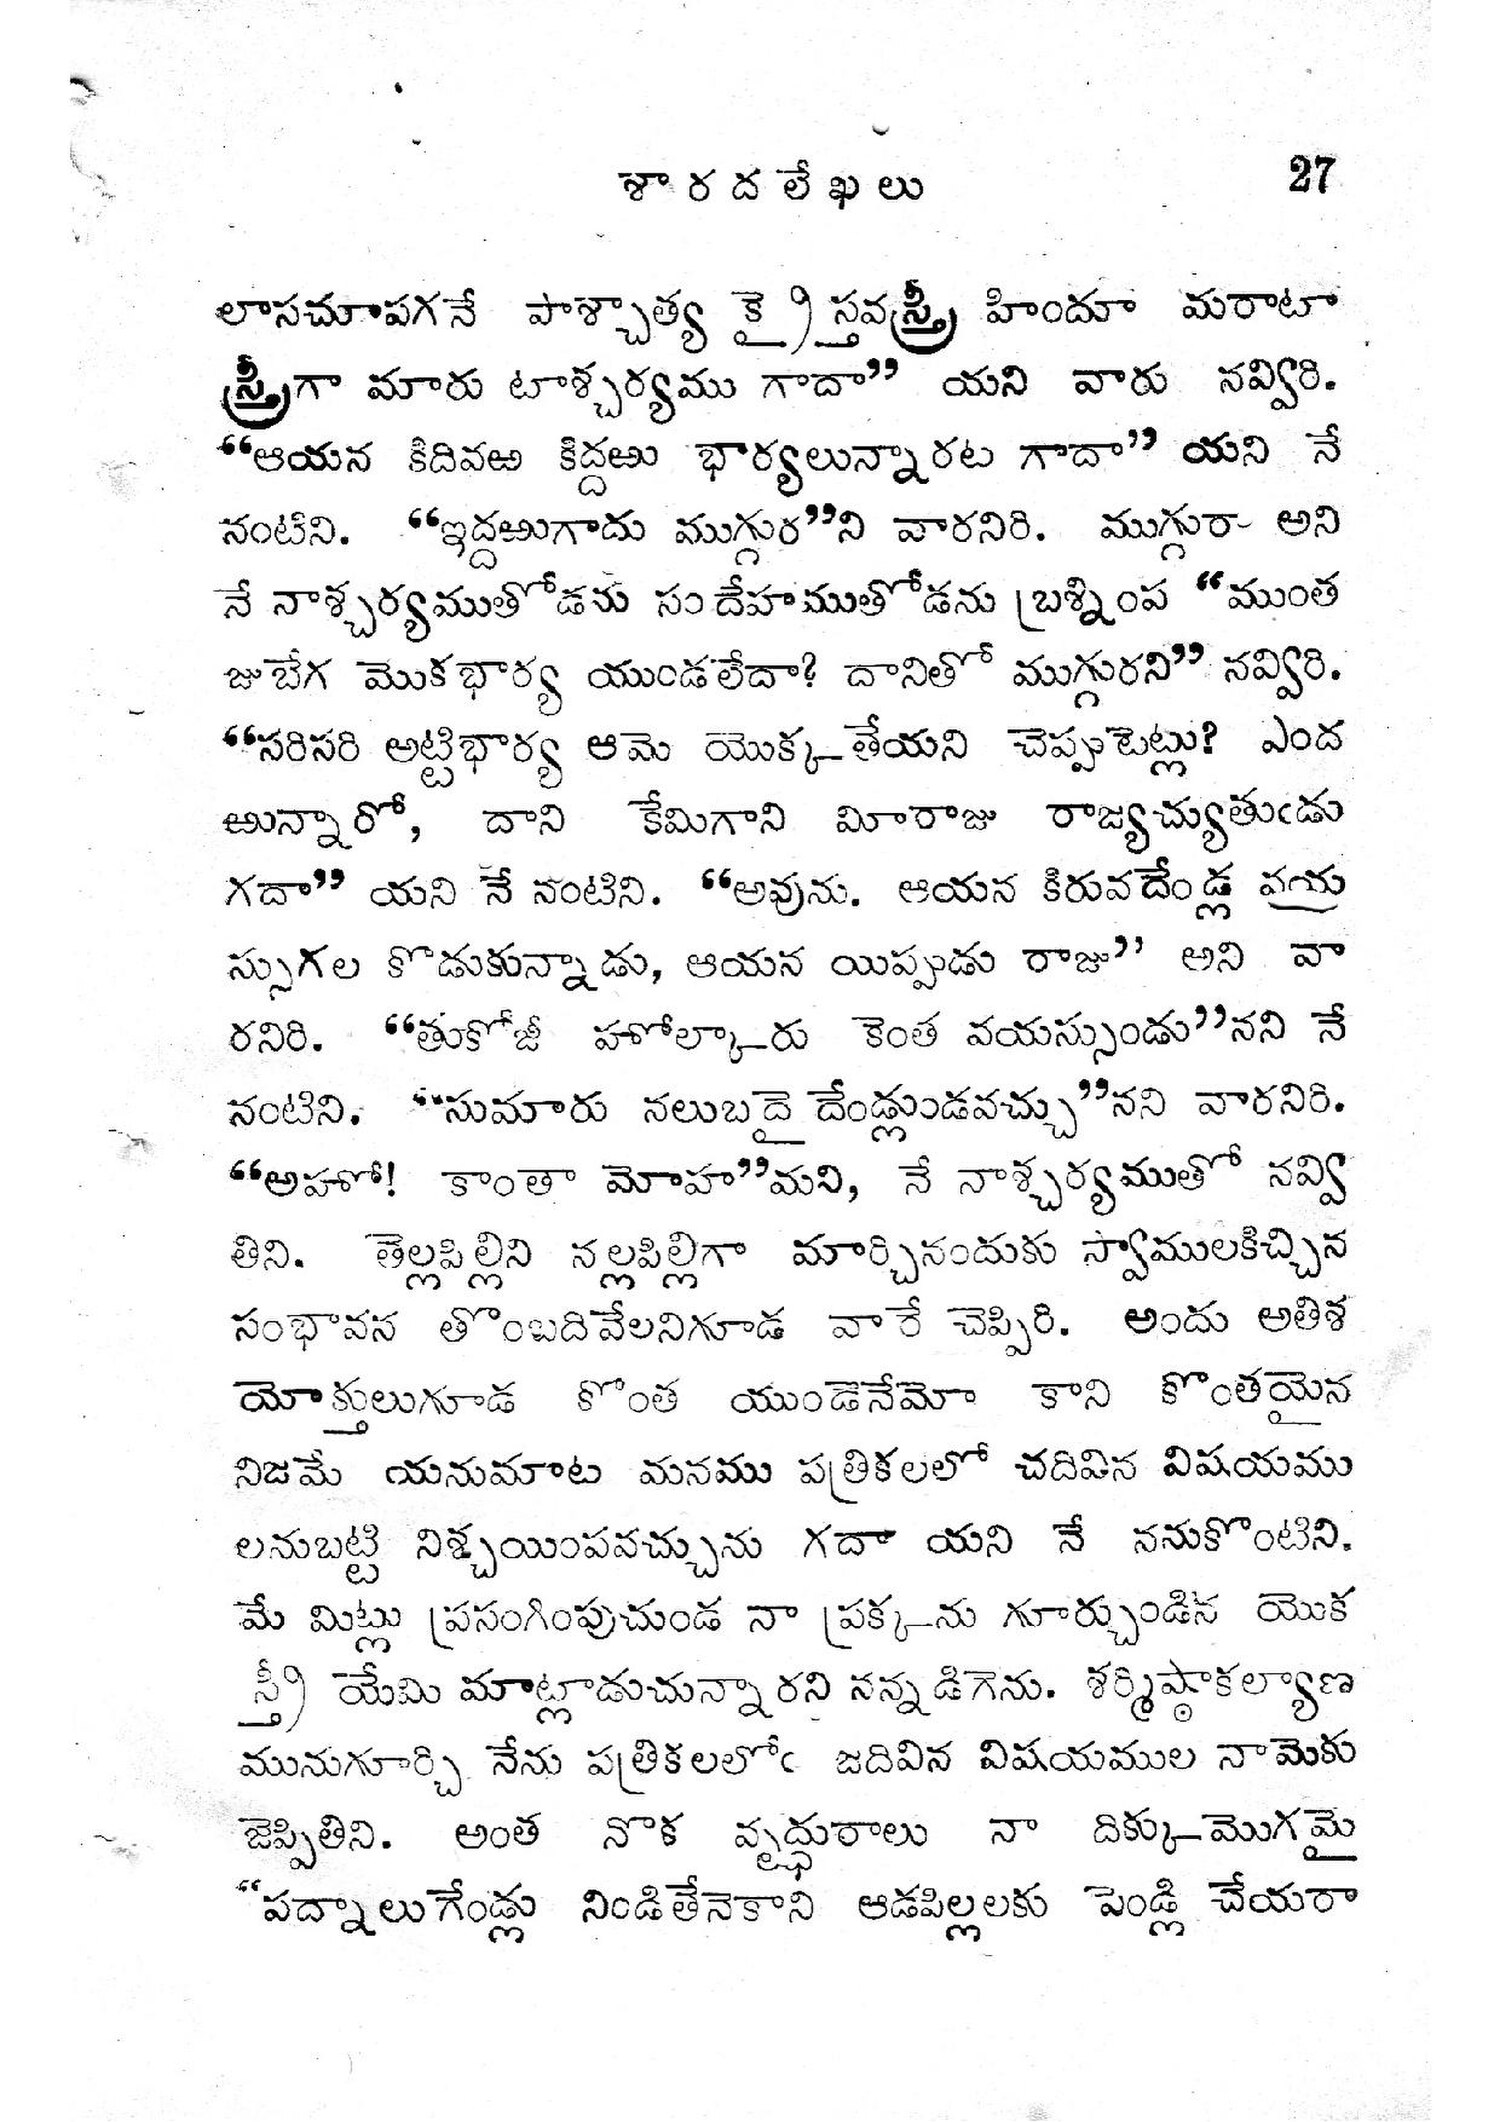లాసచూపగనే పాశ్చాత్య క్రైస్తవస్త్రీ హిందూ మరాటాస్త్రీగా మారు టాశ్చర్యము గాదా” యని వారు నవ్విరి.
“ఆయన కిదివఱ కిద్దఱు భార్యలున్నారట గాదా” యని నే నంటిని. “ఇద్దఱుగాదు ముగ్గుర"ని వారనిరి. ముగ్గురా అని నే నాశ్చర్యముతోడను సందేహముతోడను బ్రశ్నింప “ముంతజుబేగ మొకభార్య యుండలేదా? దానితో ముగ్గురని” నవ్విరి. “సరిసరి అట్టిభార్య ఆమె యొక్కతేయని చెప్పుటెట్లు? ఎందఱున్నారో, దాని
కేమిగాని మీరాజు రాజ్యచ్యుతుఁడు గదా” యని నే నంటిని. “అవును. ఆయన కిరువదేండ్ల వయస్సుగల కొడుకున్నాడు, ఆయన యిప్పుడు రాజు” అని వా రనిరి. "తుకోజీ హోల్కారు కెంత వయస్సుండు"నని నే
నంటిని. "సుమారు నలుబదైదేండ్లుండవచ్చు”నని వారనిరి. “అహో! కాంతా మోహ"మని, నే నాశ్చర్యముతో నవ్వితిని. తెల్లపిల్లిని నల్లపిల్లిగా మార్చినందుకు స్వాములకిచ్చిన సంభావన తొంబదివేలనిగూడ వారే చెప్పిరి. అందు అతిశయోక్తులుగూడ కొంత యుండెనేమో కాని కొంతయైన నిజమే యనుమాట మనము పత్రికలలో చదివిన విషయములనుబట్టి నిశ్చయింపవచ్చును గదా యని నే ననుకొంటిని. మే మిట్లు ప్రసంగింపుచుండ నా ప్రక్కను గూర్చుండిన యొక స్త్రీ యేమి మాట్లాడుచున్నారని నన్నడిగెను. శర్మిష్ఠాకల్యాణమునుగూర్చి నేను పత్రికలలోఁ జదివిన విషయముల నామెకు జెప్పితిని. అంత నొక వృద్దురాలు నా దిక్కుమొగమై “పద్నాలుగేండ్లు నిండితేనెకాని ఆడపిల్లలకు పెండ్లి చేయరా